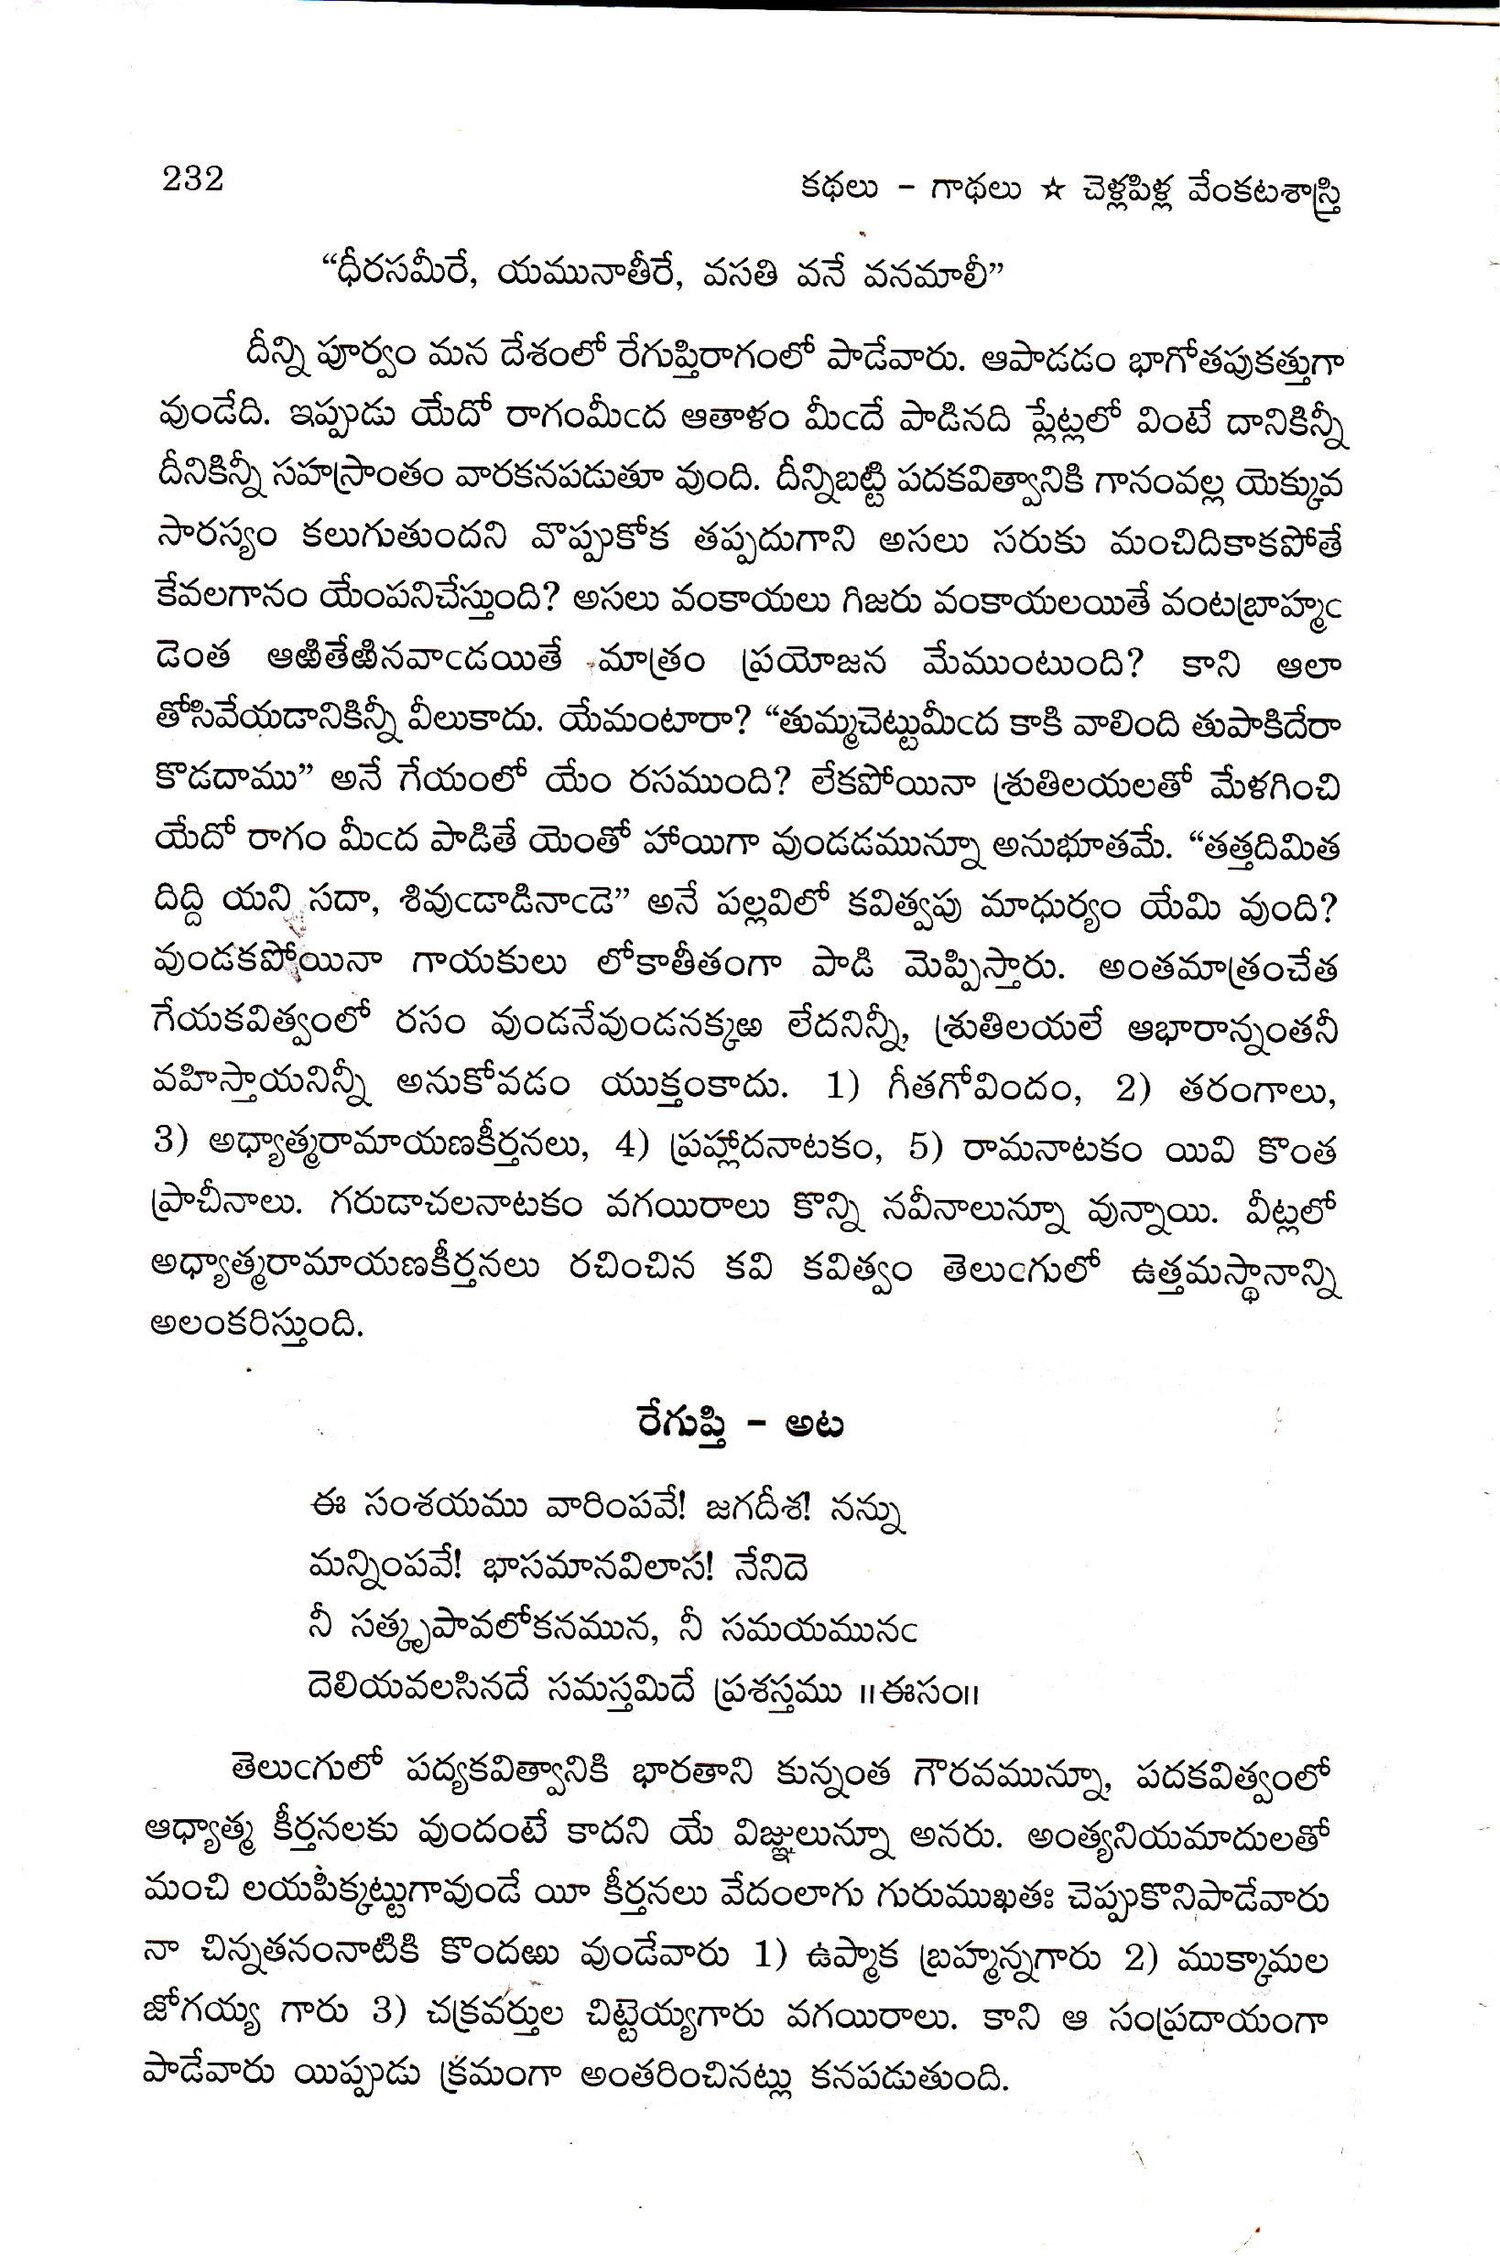“ధీరసమీరే, యమునాతీరే, వసతి వనే వనమాలీ"
దీన్ని పూర్వం మన దేశంలో రేగుప్తిరాగంలో పాడేవారు. ఆపాడడం భాగోతపుకత్తుగా వుండేది. ఇప్పుడు యేదో రాగంమీఁద ఆతాళం మీఁదే పాడినది ప్లేట్లలో వింటే దానికిన్నీ దీనికిన్నీ సహస్రాంతం వారకనపడుతూ వుంది. దీన్నిబట్టి పదకవిత్వానికి గానంవల్ల యెక్కువ సారస్యం కలుగుతుందని వొప్పుకోక తప్పదుగాని అసలు సరుకు మంచిదికాకపోతే కేవలగానం యేంపనిచేస్తుంది? అసలు వంకాయలు గిజరు వంకాయలయితే వంట బ్రాహ్మఁడెంత ఆఱితేఱినవాఁడయితే మాత్రం ప్రయోజన మేముంటుంది? కాని ఆలా తోసివేయడానికిన్నీవీలుకాదు. యేమంటారా? “తుమ్మచెట్టుమీఁద కాకి వాలింది తుపాకిదేరా కొడదాము” అనే గేయంలో యేం రసముంది? లేకపోయినా శ్రుతిలయలతో మేళగించి యేదో రాగం మీఁద పాడితే యెంతో హాయిగా వుండడమున్నూ అనుభూతమే. "తత్తదిమిత దిద్ది యని సదా, శివుఁడాడినాఁడె" అనే పల్లవిలో కవిత్వపు మాధుర్యం యేమి వుంది? వుండకపోయినా గాయకులు లోకాతీతంగా పాడి మెప్పిస్తారు. అంతమాత్రంచేత గేయకవిత్వంలో రసం వుండనేవుండనక్కఱ లేదనిన్నీ శ్రుతిలయలే ఆభారాన్నంతనీ వహిస్తాయనిన్నీ అనుకోవడం యుక్తంకాదు. 1) గీతగోవిందం, 2) తరంగాలు, 3) అధ్యాత్మరామాయణకీర్తనలు, 4) ప్రహ్లాదనాటకం, 5) రామనాటకం యివి కొంత ప్రాచీనాలు. గరుడాచలనాటకం వగయిరాలు కొన్ని నవీనాలున్నూ వున్నాయి. వీట్లలో అధ్యాత్మరామాయణకీర్తనలు రచించిన కవి కవిత్వం తెలుఁగులో ఉత్తమస్థానాన్ని అలంకరిస్తుంది.

ఈ సంశయము వారింపవే! జగదీశ! నన్ను 
మన్నింపవే! భాసమానవిలాస! నేనిదె
నీ సత్కృపావలోకనమున, నీ సమయమునఁ 
దెలియవలసినదే సమస్తమిదే ప్రశస్తము ||ఈసం||
తెలుఁగులో పద్యకవిత్వానికి భారతాని కున్నంత గౌరవమున్నూ, పదకవిత్వంలో ఆధ్యాత్మ కీర్తనలకు వుందంటే కాదని యే విజ్ఞులున్నూ అనరు. అంత్యనియమాదులతో మంచి లయపిక్కట్టుగావుండే యీ కీర్తనలు వేదంలాగు గురుముఖతః చెప్పుకొనిపాడేవారు నా చిన్నతనంనాటికి కొందఱు వుండేవారు 1) ఉప్మాక బ్రహ్మన్నగారు 2) ముక్కామల జోగయ్య గారు 3) చక్రవర్తుల చిట్టెయ్యగారు వగయిరాలు. కాని ఆ సంప్రదాయంగా పాడేవారు యిప్పుడు క్రమంగా అంతరించినట్లు కనపడుతుంది.